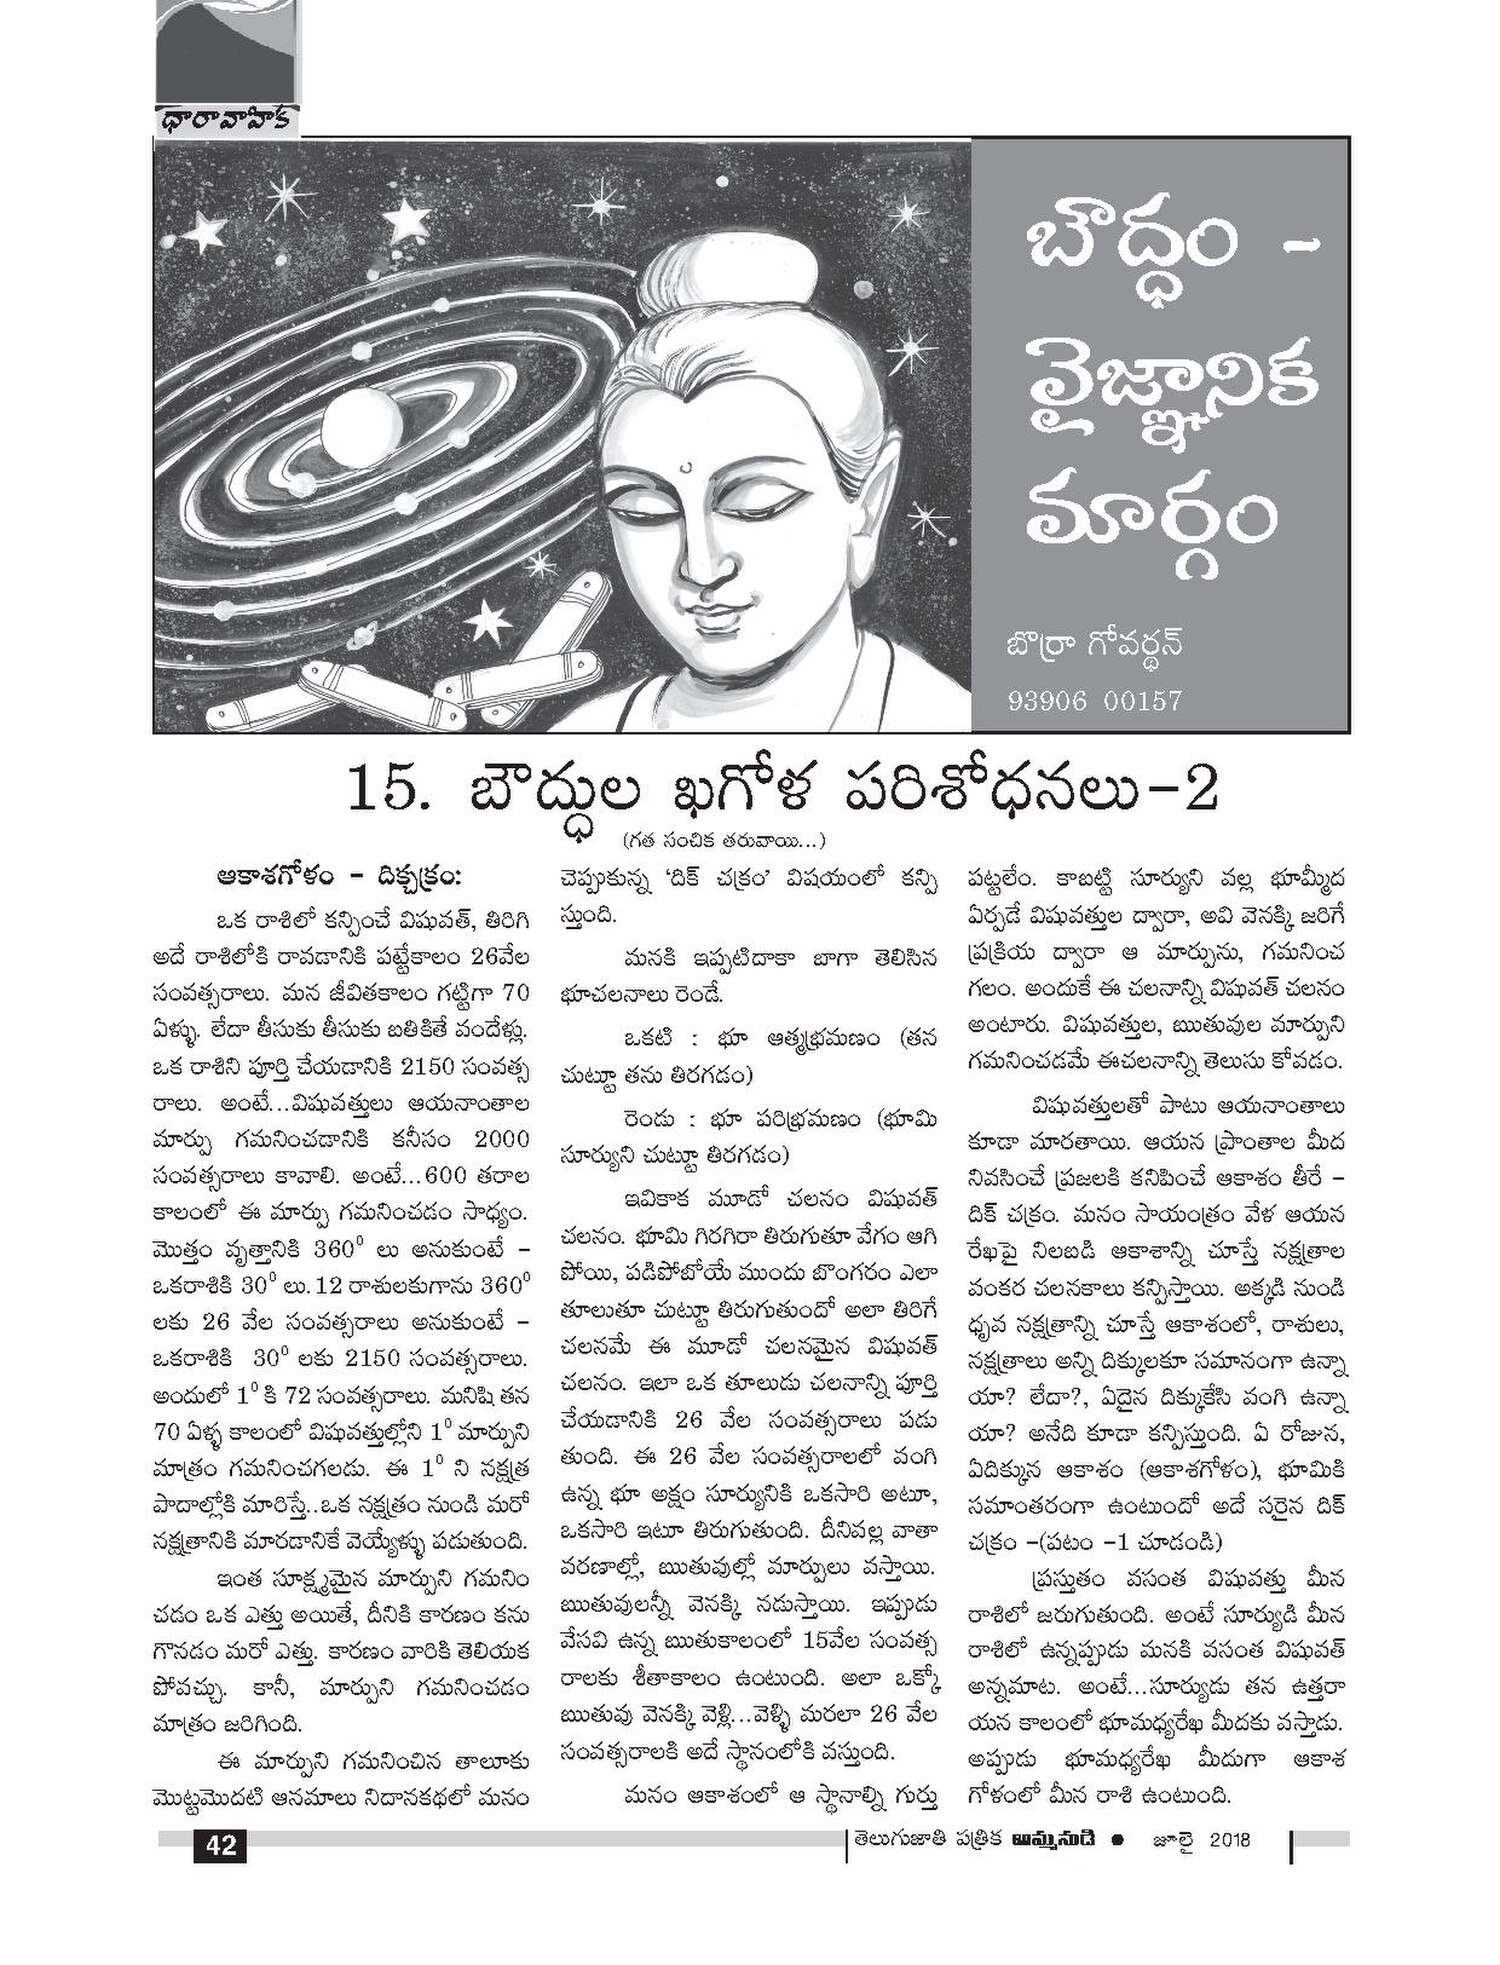15. బౌద్ధుల ఖగోళ పరిశోధనలు - 2

ఆకాశగోళం - దిక్చక్రం:

ఒక రాశిలో కన్పించే విషువత్‌, తిరిగి అదే రాశిలోకి రావడానికి పట్టేకాలం 26వేల సంవత్సరాలు. మన జీవితకాలం గట్టిగా 70 ఏళ్ళు. లేదా తీసుకు తీసుకు బతికితే వందేళ్లు. ఒక రాశిని పూర్తి చేయడానికి 2150 సంవత్సరాలు. అంటే...విషువత్తులు ఆయనాంతాల మార్పు గమనించడానికి కనీసం 2000
సంవత్సరాలు కావాలి. అంటే... 600 తరాల కాలంలో ఈ మార్పు గమనించడం సాధ్యం. మొత్తం వృత్తానికి 3600 లు అనుకుంటే - ఒకరాశికి ౩00 లు. 12 రాశులకుగాను 3600 లకు 26 వేల సంవత్సరాలు అనుకుంటే - ఒకరాశికి 300 లకు 2150 సంవత్సరాలు. అందులో 10 కి 72 సంవత్సరాలు. మనిషి తన 70 ఏళ్ళ కాలంలో విషువత్తుల్లోని 10 మార్పుని మాత్రం గమనించగలడు. ఈ 10 ని నక్షత్ర
పాదాల్లోకి మారిస్తే..ఒక నక్షత్రం నుండి మరో నక్షత్రానికి మారడానికే వెయ్యేళ్ళు పడుతుంది.

ఇంత సూక్ష్మమైన మార్పుని గమనించడం ఒక ఎత్తు అయితే, దీనికి కారణం కనుగొనడం మరో ఎత్తు. కారణం వారికి తెలియక పోవచ్చు. కానీ, మార్పుని గమనించడం మాత్రం జరిగింది.

ఈ మార్పుని గమనించిన తాలూకు మొట్టమొదటి ఆనమాలు నిదానకథలో మనం చెప్పుకున్న 'దిక్‌ చక్రం' విషయంలో కన్పిస్తుంది.

మనకి ఇప్పటిదాకా బాగా తెలిసిన భూచలనాలు రెండే.

ఒకటి. : భూ ఆత్మభ్రమణం (తన చుట్టూ తను తిరగడం)

రెండు : భూ పరిభ్రమణం (భూమి సూర్యుని చుట్టూ తిరగడం)

ఇవికాక మూడో చలనం విషువత్‌ చలనం. భూమి గిరగిరా తిరుగుతూ వేగం ఆగి పోయి, పడిపోబోయే ముందు బొంగరం ఎలా తూలుతూ చుట్టూ తిరుగుతుందో అలా తిరిగే చలనమే ఈ మూడో చలనమైన విషువత్‌ చలనం. ఇలా ఒక తూలుడు చలనాన్ని పూర్తి చేయడానికి 26 వేల సంవత్సరాలు పడుతుంది. ఈ 26 వేల సంవత్సరాలలో వంగి ఉన్న భూ అక్షం సూర్యునికి ఒకసారి అటూ, ఒకసారి ఇటూ తిరుగుతుంది. దీనివల్ల వాతావరణాల్లో, బుతువుల్లో మార్పులు వస్తాయి. ఋతువులన్నీ వెనక్కి నడుస్తాయి. ఇప్పుడు వేసవి ఉన్న ఋతుకాలంలో 15వేల సంవత్సరాలకు శీతాకాలం ఉంటుంది. అలా ఒక్కో ఋతువు వెనక్కి వెళ్లి... వెళ్ళి మరలా 26 వేల సంవత్సరాలకి అదే స్థానంలోకి వస్తుంది.

మనం ఆకాశంలో ఆ స్థానాల్ని గుర్తు పట్టలేం. కాబట్టి సూర్యుని వల్ల భూమ్మీద ఏర్పడే విషువత్తుల ద్వారా, అవి వెనక్కి జరిగే ప్రక్రియ ద్వారా ఆ మార్చును, గమనించగలం. అందుకే ఈ చలనాన్ని విషువత్ ‌ చలనం అంటారు. విషువత్తుల, ఋతువుల మార్పుని గమనించడమే ఈచలనాన్ని తెలుసు కోవడం.

విషువత్తులతో పాటు ఆయనాంతాలు కూడా మారతాయి. ఆయన ప్రాంతాల మీద నివసించే ప్రజలకి కనిపించే ఆకాశం తీరే - దిక్‌ చక్రం. మనం సాయంత్రం వేళ ఆయన రేఖపై నిలబడి ఆకాశాన్ని చూస్తే నక్షత్రాల వంకర చలనకాలు కన్పిస్తాయి. అక్కడి నుండి ధృవ నక్షత్రాన్ని చూస్తే ఆకాశంలో, రాశులు,
నక్షత్రాలు అన్ని దిక్కులకూ సమానంగా ఉన్నాయా? లేదా?, ఏదైన దిక్కుకేసి వంగి ఉన్నాయా? అనేది కూడా కన్పిస్తుంది. ఏ రోజున, ఏదిక్కున ఆకాశం (ఆకాశగోళం), భూమికి సమాంతరంగా ఉంటుందో అదే సరైన దిక్‌ చక్రం -(పటం -1 చూడండి)

ప్రస్తుతం వసంత విషువత్తు మీనరాశిలో జరుగుతుంది. అంటే సూర్యుడి మీనరాశిలో ఉన్నప్పుడు మనకి వసంత విషువత్‌ అన్నమాట. అంటే...సూర్యుడు తన ఉత్తరాయన కాలంలో భూమద్యరేఖ మీదకు వస్తాడు. అప్పుడు భూమధ్యరేఖ మీదుగా ఆకాశగోళంలో మీన రాశి ఉంటుంది.